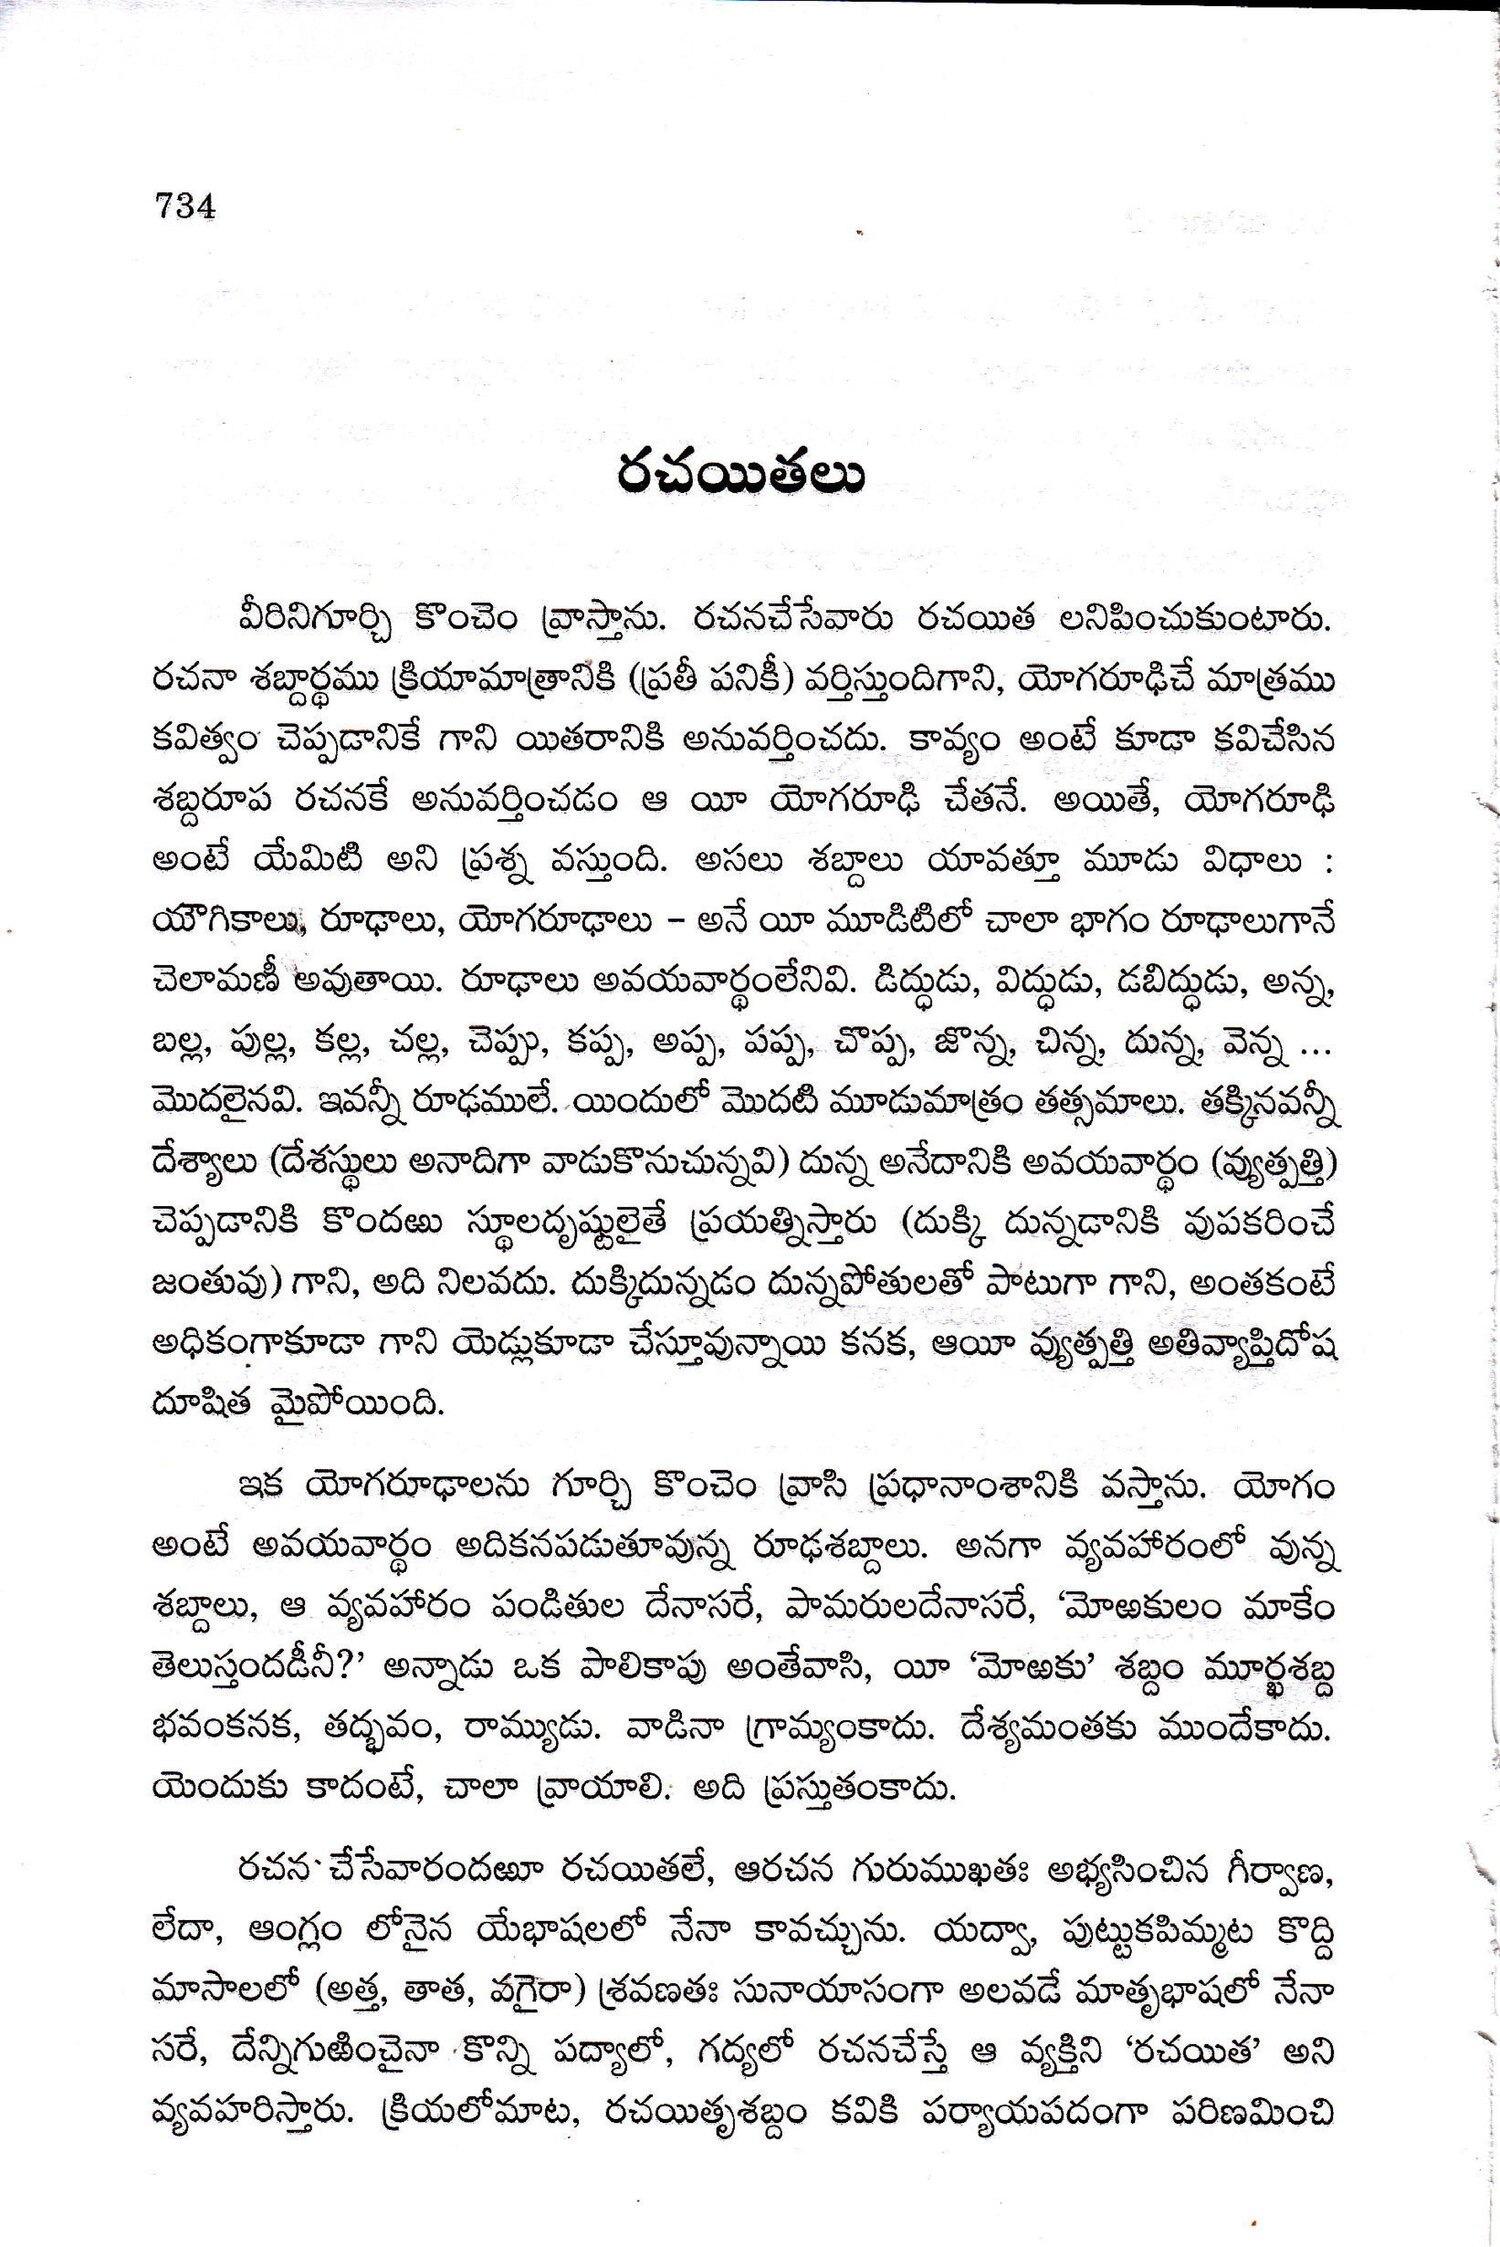రచయితలు

వీరినిగూర్చి కొంచెం వ్రాస్తాను. రచనచేసేవారు రచయిత లనిపించుకుంటారు. రచనా శబ్దార్థము క్రియామాత్రానికి (ప్రతీ పనికీ) వర్తిస్తుందిగాని, యోగరూఢిచే మాత్రము కవిత్వం చెప్పడానికే గాని యితరానికి అనువర్తించదు. కావ్యం అంటే కూడా కవిచేసిన శబ్దరూప రచనకే అనువర్తించడం ఆ యీ యోగరూఢి చేతనే. అయితే, యోగరూఢి అంటే యేమిటి అని ప్రశ్న వస్తుంది. అసలు శబ్దాలు యావత్తూ మూడు విధాలు : యౌగికాలు, రూఢాలు, యోగరూఢాలు - అనే యీ మూడిటిలో చాలా భాగం రూఢాలుగానే చెలామణీ అవుతాయి. రూఢాలు అవయవార్థంలేనివి. డిద్ధుడు, విద్ధుడు, డబిద్దుడు, అన్న, బల్ల, పుల్ల, కల్ల, చల్ల, చెప్పు, కప్ప, అప్ప, పప్ప, చొప్ప, జొన్న, చిన్న, దున్న, వెన్న... మొదలైనవి. ఇవన్నీ రూఢములే. యిందులో మొదటి మూడుమాత్రం తత్సమాలు. తక్కినవన్నీ దేశ్యాలు (దేశస్థులు అనాదిగా వాడుకొనుచున్నవి) దున్న అనేదానికి అవయవార్ధం (వ్యుత్పత్తి) చెప్పడానికి కొందఱు స్థూలదృష్టులైతే ప్రయత్నిస్తారు (దుక్కి దున్నడానికి వుపకరించే జంతువు) గాని, అది నిలవదు. దుక్కిదున్నడం దున్నపోతులతో పాటుగా గాని, అంతకంటే అధికంగాకూడా గాని యెడ్లుకూడా చేస్తూవున్నాయి కనక, ఆయీ వ్యుత్పత్తి అతివ్యాప్తిదోష దూషిత మైపోయింది. 

ఇక యోగరూఢాలను గూర్చి కొంచెం వ్రాసి ప్రధానాంశానికి వస్తాను. యోగం అంటే అవయవార్థం అదికనపడుతూవున్న రూఢశబ్దాలు. అనగా వ్యవహారంలో వున్న శబ్దాలు, ఆ వ్యవహారం పండితుల దేనాసరే, పామరులదేనాసరే, మోఱకులం మాకేం తెలుస్తందడీనీ?" అన్నాడు ఒక పాలికాపు అంతేవాసి, యీ 'మోఱకు' శబ్దం మూర్థశబ్ద భవంకనక, తద్భవం, రామ్యుడు. వాడినా గ్రామ్యంకాదు. దేశ్యమంతకు ముందేకాదు. యెందుకు కాదంటే, చాలా వ్రాయాలి. అది ప్రస్తుతంకాదు.

రచన చేసేవారందఱూ రచయితలే, ఆరచన గురుముఖతః అభ్యసించిన గీర్వాణ, లేదా, ఆంగ్లం లోనైన యేభాషలలో నేనా కావచ్చును. యద్వా, పుట్టుకపిమ్మట కొద్ది మాసాలలో (అత్త, తాత, వగైరా) శ్రవణతః సునాయాసంగా అలవడే మాతృభాషలో నేనా సరే, దేన్నిగుఱించైనా కొన్ని పద్యాలో, గద్యలో రచనచేస్తే ఆ వ్యక్తిని ‘రచయిత' అని వ్యవహరిస్తారు. క్రియలోమాట, రచయితృశబ్దం కవికి పర్యాయపదంగా పరిణమించి